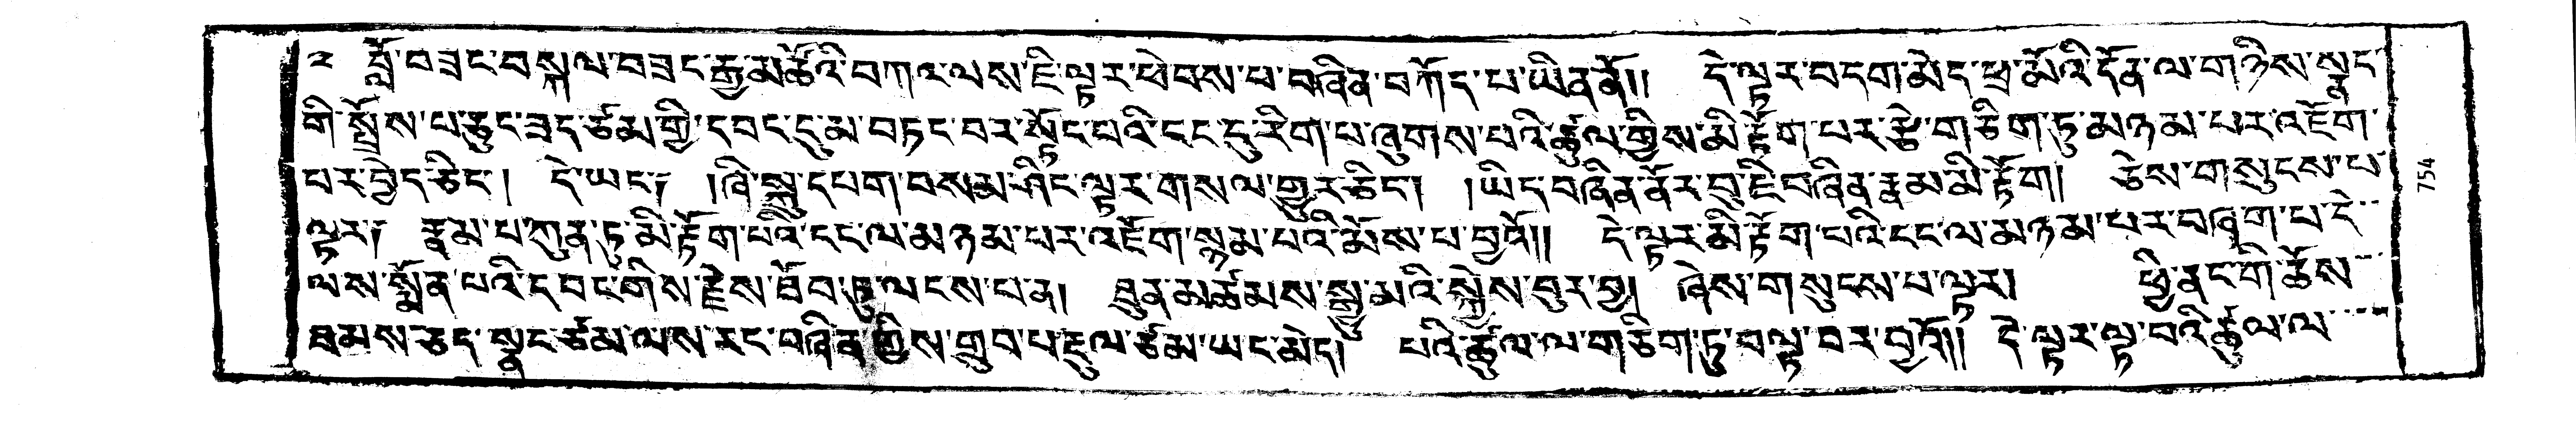བློ་བཟང་བསྐལ་བཟང་རྒྱ་མཚོའི་བཀའ་ལས་ཇི་ལྟར་ཕེབས་པ་བཞིན་བཀོད་པ་ཡིན་ནོ།། དེ་ལྟར་བདག་མེད་ཕྲ་མོའི་དོན་ལ་གཉིས་སྣང་
གི་སྤྲོས་པ་ཅུང་ཟད་ཙམ་གྱི་དབང་དུ་མ་བཏང་བར་སྟོང་པའི་ངང་དུ་རིག་པ་ཞུགས་པའི་ཚུལ་གྱིས་མི་རྟོག་པར་རྩེ་གཅིག་ཏུ་མཉམ་པར་འཇོག་
པར་བྱེད་ཅིང་། དེ་ཡང་། །ཞི་སྐུ་དཔག་བསམ་ཤིང་ལྟར་གསལ་གྱུར་ཅིང་། །ཡིད་བཞིན་ནོར་བུ་ཇི་བཞིན་རྣམ་མི་རྟོག། ཅེས་གསུངས་པ་
ལྟར། རྣམ་པ་ཀུན་ཏུ་མི་རྟོག་པའི་ངང་ལ་མཉམ་པར་འཇོག་སྙམ་པའི་མོས་པ་བྱའོ།། དེ་ལྟར་མི་རྟོག་པའི་ངང་ལ་མཉམ་པར་བཞག་པ་དེ་
ལས་སྨོན་པའི་དབང་གིས་རྗེས་ཐོབ་ཏུ་ལངས་པ་ན། ཐུན་མཚམས་སྒྱུ༨་མའི་སྐྱེས་བུར་བྱ། ཞེས་གསུངས་པ་ལྟར། ཕྱི་ནང་གི་ཆོས་
ཐམས་ཅད་སྣང་ཙམ་ལས་རང་བཞིན་གྱིས་གྲུབ་པ་རྡུལ་ཙམ་ཡང་མེད། པའི་ཚུལོ་ལ་གཅིག་ཏུ་བལྟ་བར་བྱའོ།། དེ་ལྟར་ལྟ་བའི་ཚུལ་ལ་